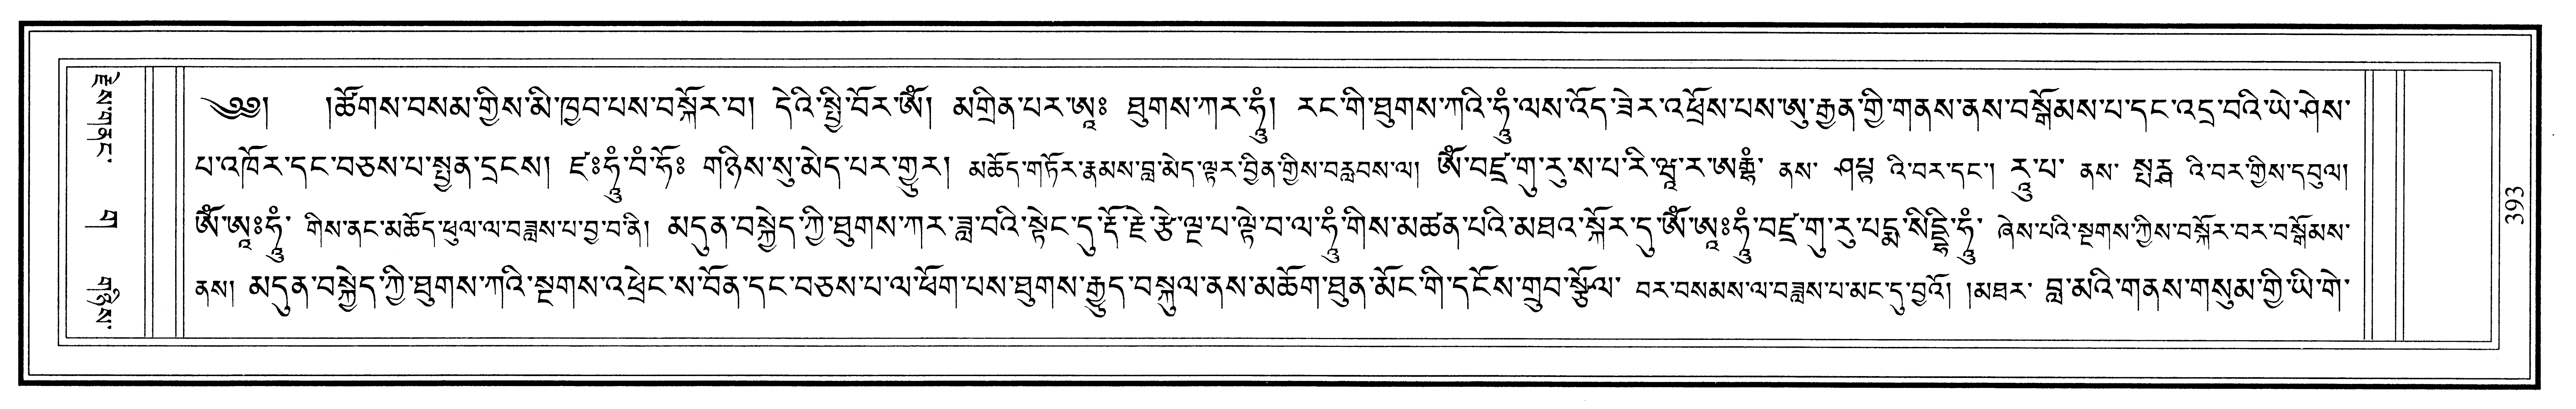༄༅། །ཚོགས་བསམ་གྱིས་མི་ཁྱབ་པས་བསྐོར་བ། དེའི་སྤྱི་བོར་ཨོཾ། མགྲིན་པར་ཨཱཿ ཐུགས་ཀར་ཧཱུཾ། རང་གི་ཐུགས་ཀའི་ཧཱུཾ་ལས་འོད་ཟེར་འཕྲོས་པས་ཨུ་རྒྱན་གྱི་གནས་ནས་བསྒོམས་པ་དང་འདྲ་བའི་ཡེ་ཤེས་
པ་འཁོར་དང་བཅས་པ་སྤྱན་དྲངས། ཛཿ ཧཱུཾ་བཾ་ཧོཿ གཉིས་སུ་མེད་པར་གྱུར། མཆོད་གཏོར་རྣམས་བླ་མེད་ལྟར་བྱིན་གྱིས་བརླབས། ཨོཾ་བཛྲ་གུ་རུ་ས་པ་རི་ཝཱ་ར་ཨརྒྷཾ་ནས་ཤཔྟའི་བར་དང་། རཱུ་པ་ནས་སྤརྴའི་བར་གྱིས་དབུལ།
ཨོཾ་ཨཱཿ ཧཱུཾ་གིས་ནང་མཆོད་ཕུལ་ལ་བཟླས་པ་བྱ་བ་ནི། མདུན་བསྐྱེད་ཀྱི་ཐུགས་ཀར་ཟླ་བའི་སྟེང་དུ་རྡོ་རྗེ་རྩེ་ལྔ་པ་ལྟེ་བ་ལ་ཧཱུཾ་གིས་མཚན་པའི་མཐའ་སྐོར་དུ་ཨོཾ་ཨཱཿ ཧཱུཾ་བཛྲ་གུ་རུ་པདམ་སིདྡྷི་ཧཱུཾ་ཞེས་པའི་སྔགས་ཀྱིས་བསྐོར་བར་བསྒོམས་
ནས། མདུན་བསྐྱེད་ཀྱི་ཐུགས་ཀའི་སྔགས་འཕྲེང་ས་བོན་དང་བཅས་པ་ལ་ཕོག་པས་ཐུགས་རྒྱུད་བསྐུལ་ནས་མཆོག་ཐུན་མོང་གི་དངོས་གྲུབ་སྩོལ་བར་བསམས་ལ་བཟླས་པ་མང་དུ་བྱའོ། །མཐར་བླ་མའི་གནས་གསུམ་གྱི་ཡི་གེ་